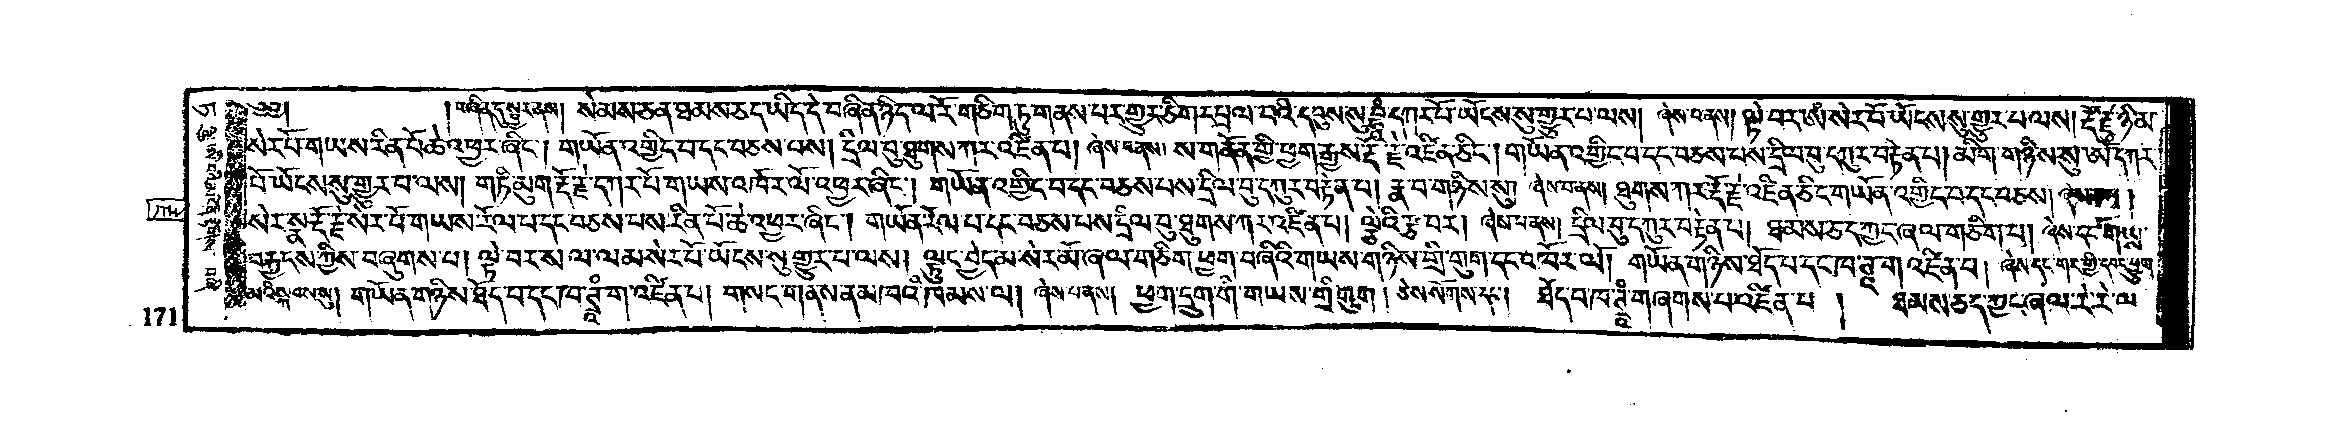༄༅། །བཞིན་དུ་སྦྱར་ནས། སེམས་ཅན་ཐམས་ཅད་ཡིད་དེ་བཞིན་ཉིད་ལ་རོ་གཅིག་ཏུ་གནས་པར་གྱུར་ཅིག་དཔྲལ་བའི་དབུས་སུ་བྷྲཱུཾ་དཀར་པོ་ཡོངས་སུ་གྱུར་པ་ལས། ཞེས་པ་ནས།  ལྟེ་བར་ཨཾ་སེར་པོ་ཡོངས་སུ་གྱུར་པ་ལས། རྡོ་རྗེ་ཉི་མ་
སེར་པོ་གཡས་རིན་པོ་ཆེ་འཕྱར་ཞིང་། གཡོན་འགྱིད་པ་དང་བཅས་པས། དྲིལ་བུ་ཐུགས་ཀར་འཛིན་པ། ཞེས་པ་ནས། ས་གནོན་གྱི་ཕྱག་རྒྱས་རྡོ་རྗེ་འཛིན་ཅིང་། གཡོན་འགྱིང་བ་དང་བཅས་པས་དྲིལ་བུ་དཀུར་བརྟེན་པ། མིག་གཉིས་སུ་ཨོཾ་དཀར་
པོ་ཡོངས་སུ་གྱུར་པ་ལས། གཏི་མུག་རྡོ་རྗེ་དཀར་པོ་གཡས་འཁོར་ལོ་འཕྱར་ཞིང་། གཡོན་འགྱིང་བ་དང་བཅས་པས་དྲིལ་བུ་དཀུར་བརྟེན་པ། རྣ་བ་གཉིས་སུ། ཞེས་པ་ནས།  ཐུགས་ཀར་རྡོ་རྗེ་འཛིན་ཅིང་གཡོན་འགྱིང་བ་དང་བཅས། ཞེས་དང་།
སེར་སྣ་རྡོ་རྗེ་སེར་པོ་གཡས་རོལ་པ་དང་བཅས་པས་རིན་པོ་ཆེ་འཕྱར་ཞིང་། གཡོན་རོལ་པ་དང་བཅས་པས་དྲིལ་བུ་ཐུགས་ཀར་འཛིན་པ། ལྕེའི་རྩ་བར། ཞེས་པ་ནས།  དྲིལ་བུ་དཀུར་བརྟེན་པ། ཐམས་ཅད་ཀྱང་ཞལ་གཅིག་པ། ཞེས་དང་གཡས་
བརྐྱངས་ཀྱིས་བཞུགས་པ། ལྟེ་བར་སལ་ལམ་སེར་པོ་ཡོངས་སུ་གྱུར་པ་ལས། ལྟུང་བྱེད་མ་སེར་མོ་ཞལ་གཅིག་ཕྱག་བཞིའི་གཡས་གཉིས་གྲི་གུག་དང་འཁོར་ལོ། གཡོན་གཉིས་ཐོད་པ་དང་ཁ་ཊཱ་ག་འཛིན་པ། ཞེས་དང་གར་གྱི་དབང་ཕྱུག་
མའི་སྐབས་སུ། གཡོན་གཉིས་ཐོད་པ་དང་ཁ་ཊྭཱཾ་ག་འཛིན་པ། གསང་གནས་ནམ་མཁའི་ཁམས་ལ། ཞེས་པ་ནས།  ཕྱག་དྲུག་གི་གཡས་གྲཾ་གུག ། ཅེས་སོགས་དང། ཐོད་པ་ཁ་ཊྭཱཾ་ག་ཞགས་པ་འཛིན་པ། ཐམས་ཅད་ཀྱང་ཞལ་རེ་རེ་ལ་